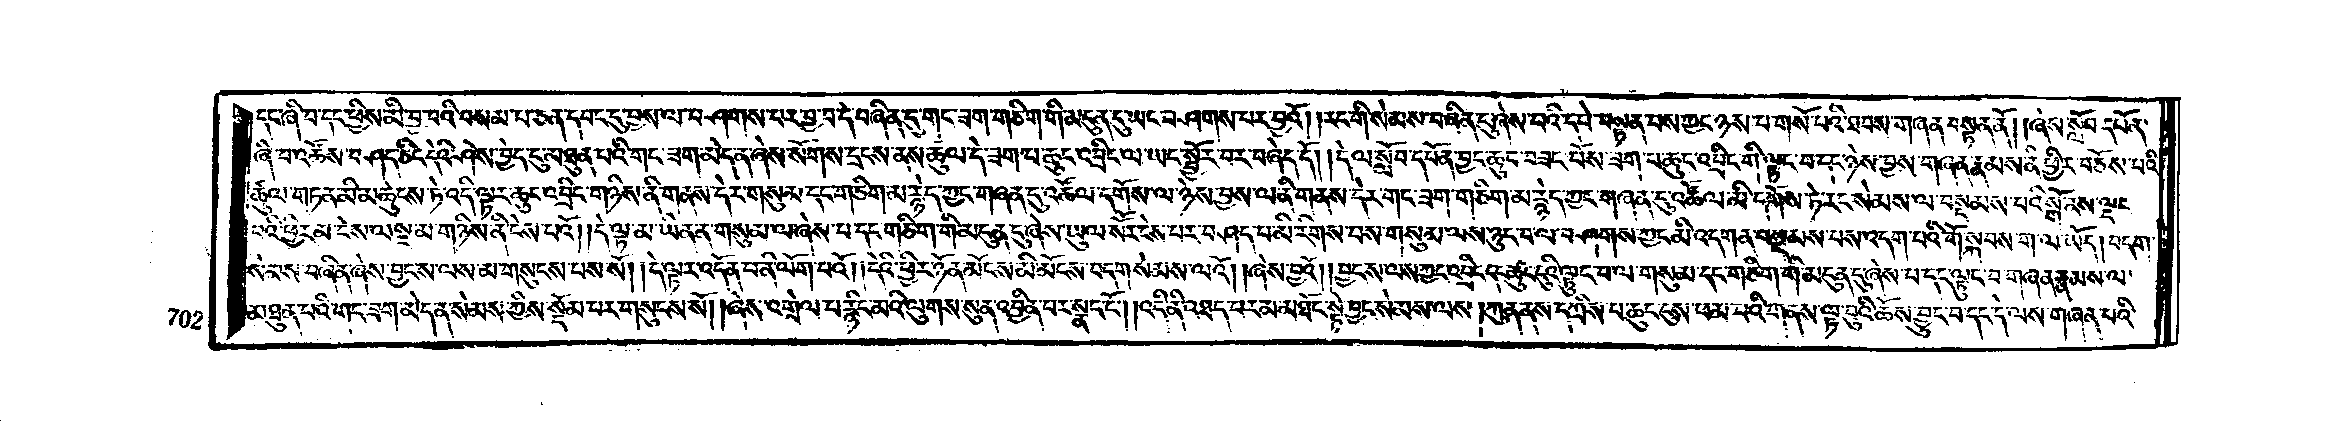དང་ཞི་བ་དང་ཕྱིས་མི་བྱ་བའི་བསམ་པ་ཅན་དབང་དུ་བྱས་ལ་བཤགས་པར་བྱ་བ་དེ་བཞིན་དུ་གང་ཟག་གཅིག་གི་མདུན་དུ་ཡང་བཤགས་པར་བྱའོ། །རང་གི་སེམས་བཞིན་དུ་ཞེས་པའི་དཔེ་བསྟན་པས་ཀྱང་ཉས་པ་གསོ་པའི་ཐབས་གཞན་བསྟན་ནོ། །ཞེས་སློབ་དཔོན་
ཞི་བ་འཚོས་བཤད་ཅིང་དེའི་ཤེས་བྱེད་དུ་མཐུན་པའི་གང་ཟག་མེད་ན་ཞེས་སོགས་དྲངས་ནས་ཚུལ་དེ་ཟག་པ་ཆུང་འབྲིང་ལ་ཡང་སྦྱོར་བར་བཞེད་དོ། །དེ་ལ་སློབ་དཔོན་བྱང་ཆུབ་བཟང་པོས་ཟག་པ་ཆུང་འབྲིང་གི་ལྟང་བ་དང་ཉེས་བྱས་གཞན་རྣམས་ནི་ཕྱིར་བཅོས་པའི་
ཚུལ་གཏན་མི་མཚུངས་ཏེ་འདི་ལྟར་ཆུང་འབྲིང་གཉིས་ནི་གནས་དེར་གསུམ་དང་གཅིག་མ་རྙེད་ཀྱང་གཞན་དུ་འཚོལ་དགོས་ལ་ཉེས་བྱས་ལ་ནི་གནས་དེར་གང་ཟག་གཅིག་མ་རྙེད་ཀྱང་གཞན་དུ་འཚོལ་མི་དགོས་ཏེ་རང་སེམས་ལ་བསྔམས་པའི་སྒོ་ནས་སྡང་
བའི་ཕྱིར་མ་ངེས་ལ་སྔ་མ་གཉིས་ནི་ངེས་པའོ། །དེ་ལྟ་མ་ཡིན་ན་གསུམ་ལ་ཞེས་པ་དང་གཅིག་གི་མདུན་དུ་ཞེས་ཡུལ་སོ་སོར་ངེས་པར་བཤད་པ་མི་རིགས་པས་གསུམ་ལས་ཉུང་བ་ལ་བཤགས་ཀྱང་མི་འདག་ན་བསྔམས་པས་འདག་པའི་གོ་སྐབས་ག་ལ་ཡོད། བདག་
སེམས་བཞིན་ཞེས་བྱང་ས་ལས་མ་གསུངས་པས་སོ། །དེ་ལྟར་འདོན་པ་ནི་ལོག་པའོ། །དེའི་ཕྱིར་ཉོན་མོངས་མི་མོངས་བདག་སེམས་ལའོ། །ཞེས་བྱའོ། །བྱང་ས་ལས་ཀྱང་འབྲིང་དང་ཚུང་ངུའི་ལྟུང་བ་ལ་གསུམ་དང་གཅིག་གི་མདུན་དུ་ཞེས་པ་དང་ལྟུང་བ་གཞན་རྣམས་ལ་
མཐུན་པའི་གང་ཟག་མེད་ན་སེམས་ཀྱིས་སྡོམ་པར་གསུངས་སོ། །ཞེས་འགྲེལ་པ་རྙིང་མའི་ལུགས་སུན་འབྱིན་པར་སྣང་ངོ། །འདི་ནི་འཐད་པར་མ་མཐོང་སྟེ་བྱང་སེམས་ལས། ཀུན་ནས་དཀྲིས་པ་ཆུང་དུས་ཕམ་པའི་གནས་ལྟ་བུའི་ཆོས་བྱུང་བ་དང་དེ་ལས་གཞན་པའི་